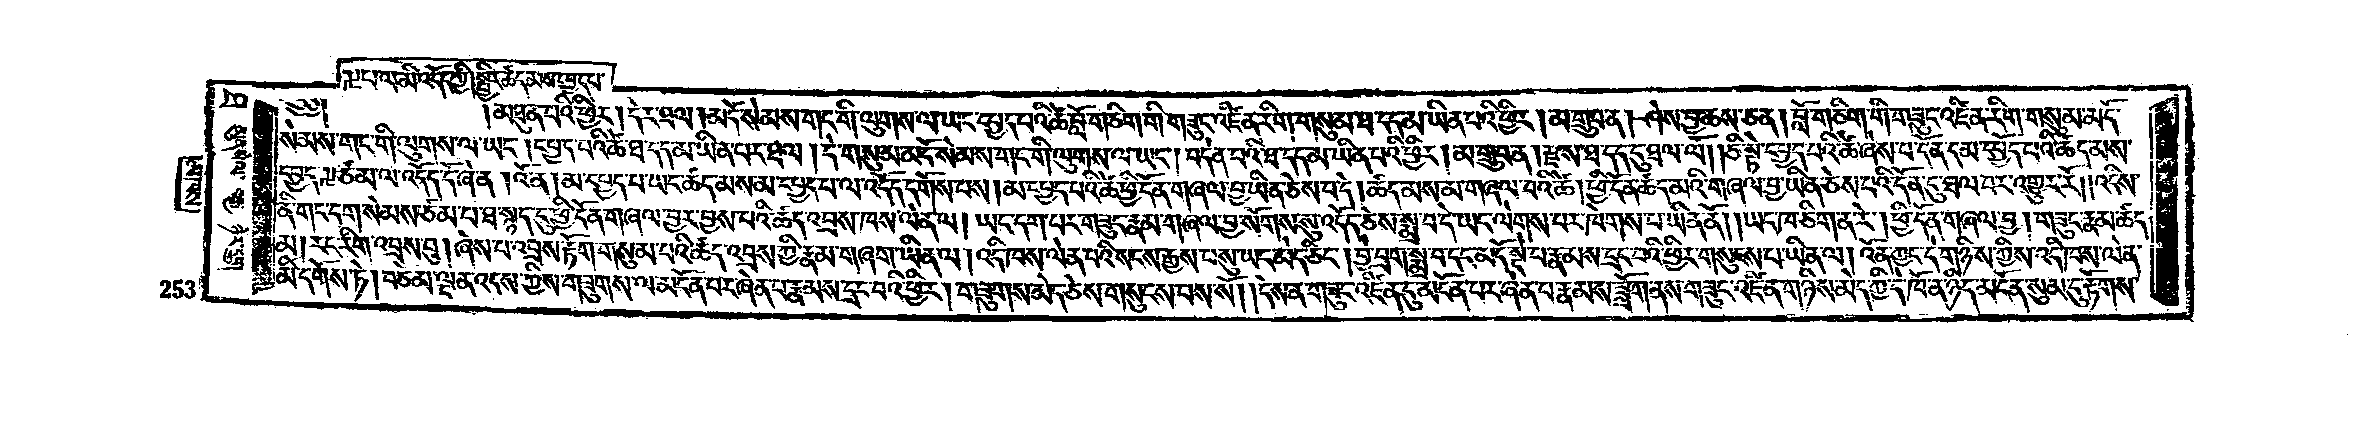༄༅། །མཐུན་པའི་ཕྱིར། དེར་ཐལ། མདོ་སེམས་གང་གི་ལུགས་ལ་ཡང་དཔྱད་པའི་ཚེ་བློ་གཅིག་གི་གཟུང་འཛིན་རིག་གསུམ་ཐ་དད་མ་ཡིན་པའི་ཕྱིར། མ་གྲུབ་ན། ཤེས་བྱ་ཆོས་ཅན། བློ་གཅིག་གི་གཟུང་འཛིན་རིག་གསུམ་མདོ་
སེམས་གང་གི་ལུགས་ལ་ཡང་། དཔྱད་པའི་ཚེ་ཐ་དད་མ་ཡིན་པར་ཐལ། དེ་གསུམ་མདོ་སེམས་གང་གི་ལུགས་ལ་ཡང་། བདེན་པའི་ཐ་དད་མ་ཡིན་པའི་ཕྱིར། མ་གྲུབ་ན། རྫས་ཐ་དད་དུ་ཐལ་ལོ། །ཅི་སྟེ་དཔྱད་པའི་ཚེ་ཞེས་པ་དོན་དམ་དཔྱོད་པའི་ཚད་མས་
དཔྱད་པ་ལ་མི་འདོད་ཀྱི། སྤྱིར་ཚད་མས་དཔྱད་པ་ཙམ་ལ་འདོད་དོ་ཞེ་ན། འོ་ན། མ་དཔྱད་པ་ཡང་ཚད་མས་མ་དཔྱད་པ་ལ་འདོད་དགོས་པས། མ་དཔྱད་པའི་ཚེ་ཕྱི་དོན་གཞལ་བྱ་ཡིན་ཅེས་པ་དེ། ཚད་མས་མ་གཞལ་བའི་ཚེ། ཕྱི་དོན་ཚད་མའི་གཞལ་བྱ་ཡིན་ཅེས་པའི་དོན་དུ་ཐལ་བར་འགྱུར་རོ། །འདིས་
ནི་གང་དག་སེམས་ཙམ་པ་ཐ་སྙད་དུ་ཕྱི་དོན་གཞལ་བྱར་བྱས་པའི་ཚད་འབྲས་ཁས་ལེན་ལ། ཡང་དག་པར་གཟུང་རྣམ་གཞལ་བྱ་སོགས་སུ་འདོད་ཅེས་སྨྲ་བ་དེ་ཡང་ལེགས་པར་ཁེགས་པ་ཡིན་ནོ། །ཡང་ཁ་ཅིག་ན་རེ། ཕྱི་དོན་གཞལ་བྱ། གཟུང་རྣམ་ཚད་
མ། རང་རིག་འབྲས་བུ། ཞེས་པ་འབྲས་རྟོག་གསུམ་པའི་ཚད་འབྲས་ཀྱི་རྣམ་གཞག་ཡིན་ལ། འདི་ཁས་ལེན་པའི་སངས་རྒྱས་པ་སུ་ཡང་མེད་ཅིང་། བྱེ་བྲག་སྨྲ་བ་དང་མདོ་སྡེ་པ་རྣམས་དྲང་བའི་ཕྱིར་གསུངས་པ་ཡིན་ལ། འོན་ཀྱང་དེ་གཉིས་ཀྱིས་འདི་ཁས་ལེན་
མི་དགོས་ཏེ། བཅོམ་ལྡན་འདས་ཀྱིས་གཟུགས་ལ་མངོན་པར་ཞེན་པ་རྣམས་དྲང་བའི་ཕྱིར། གཟུགས་མེད་ཅེས་གསུངས་པས་སོ། །དེས་ན་གཟུང་འཛིན་དུ་མངོན་པར་ཞེན་པ་རྣམས་ཟློག་ནས་གཟུང་འཛིན་གཉིས་མེད་ཀྱི་དེ་ཁོ་ན་ཉིད་མངོན་སུམ་དུ་རྟོགས་